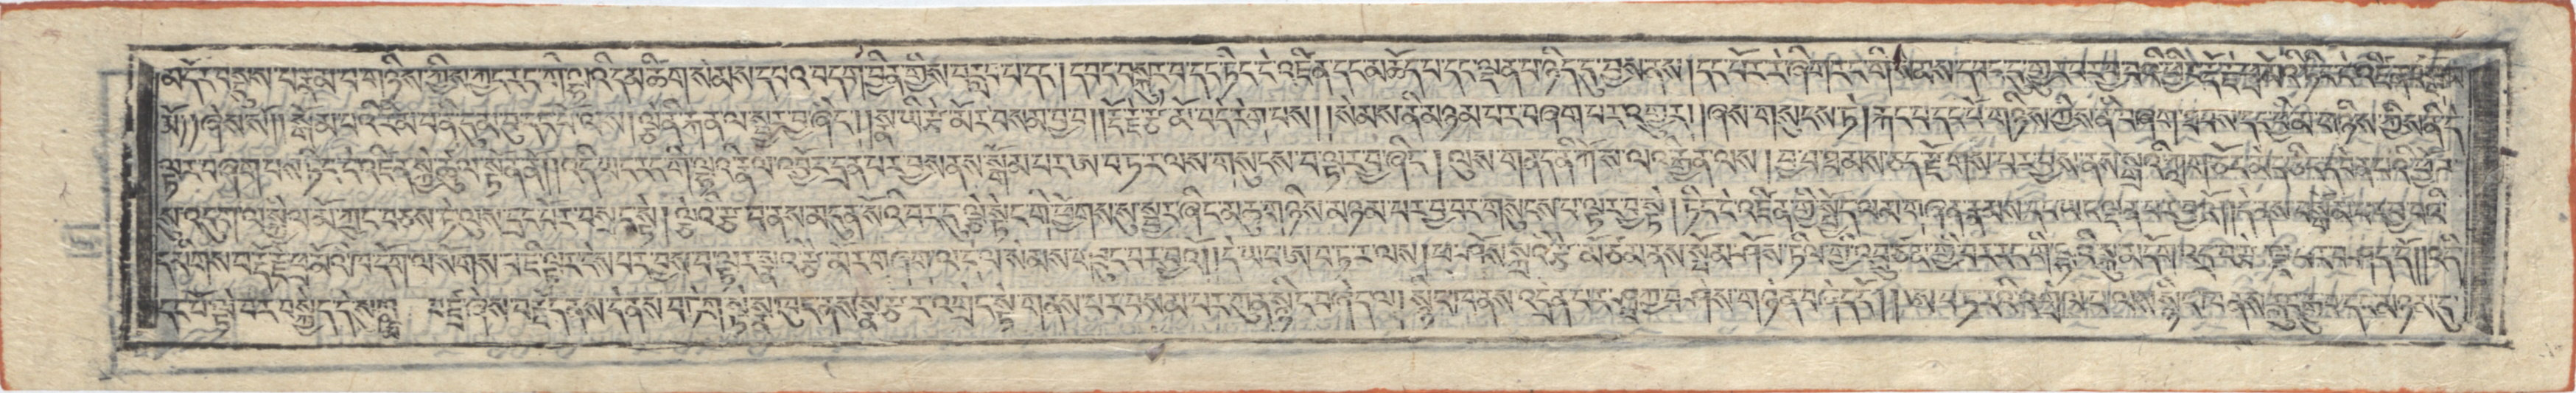མདོར་བསྡུས་པ་རྣམ་པ་གཉིས་ཀྱིས་ཀྱང་རང་གི་ལྷའི་དམ་ཚིག་སེམས་དཔའ་བདག་བྱིན་གྱིས་བརླབ་པ་དང་། དབང་བསྐུར་བ་དང་ཏིང་ངེ་འཛིན་དང་མཆོད་པ་དང་ལྡན་པ་ཉིད་དུ་བྱས་ནས། དང་པོར་རེ་ཞིག་རང་གི་སེམས་དབང་དུ་གྱུར་པར་བྱ་བའི་ཕྱིར་རྡོ་རྗེ་ཕྲ་མོའི་ཏིང་ངེ་འཛིན་བསྒོམ་
མོ༑ ༑ཞེས་སོ། །སྒོམ་པའི་རིམ་པ་ནི་དུམ་བུ་དང་པོ་ལས། ལྕེ་ནི་རྐན་ལ་སྦྱར་བྱ་ཞིང་། །སྣ་ཡི་རྩེ་མོར་བསམ་བྱ་བ། །རྡོ་རྗེ་རྩེ་མོ་བདེ་རེག་པས། །སེམས་ནི་མཉམ་པར་བཞག་པར་འགྱུར། །ཞེས་གསུངས་ཏེ། རྐང་པ་དང་པོ་གཉིས་ཀྱིས་ནི་བཞག་ཐབས་དང་ཕྱི་མ་གཉིས་ཀྱིས་ནི་དེ་
ལྟར་བཞག་པས་ཏིང་ངེ་འཛིན་སྐྱེ་ཚུལ་སྟོན་ནོ། །འདི་ཡང་རང་གི་ལྷའི་རྣལ་འབྱོར་དྲན་པར་བྱས་ནས་སྒོམ་པར་ཨ་བ་ཏ་ར་ལས་གསུངས་བ་ལྟར་བྱ་ཞིང་། ལུས་གནད་ནི་ཀོ་ས་ལའི་རྒྱན་ལས། བྱ་བ་ཐམས་ཅད་རྫོགས་པར་བྱས་ནས་སྒྲའི་ཀླག་ཅོར་མེད་ཅིང་དབེན་པའི་ཕྱོགས་
སུ་འདུག་ལ་སྐྱིལ་མོ་ཀྲུང་བཅས་ཏེ་ལུས་དྲང་པོར་བསྲང་སྟེ། ལྕེའི་རྩ་བ་ནས་མདུན་སོའི་བར་དུ་ལྕེ་སྟེང་གི་ཕྱོགས་སུ་སྦྱར་ཞིང་མཆུ་གཉིས་མཉམ་པར་བྱ་བར་གསུངས་པ་ལྟར་བྱ་སྟེ། ཏིང་ངེ་འཛིན་གྱི་སྤྱོད་ལམ་གཞན་རྣམས་དང་ཡང་ལྡན་པར་བྱའོ། །དེ་ནས་བསྒོམ་པར་བྱ་བའི་
དམིགས་པ་རྡོ་རྗེ་ཕྲ་མོའི་ཁ་དོག་ལ་སོགས་པ་ཇི་ལྟར་ངེས་པར་བྱས་བ་ལྟར་སྣའི་རྩེ་མོར་གཞག་ལ་དེ་ལ་སེམས་གཟུང་བར་བྱའོ། །དེ་ཡང་ཨ་བ་ཏ་ར་ལས། ཕྲ་ཤོས་སྐྲའི་རྩེ་མོ་ཙམ་ནས་སྤོམ་ཤོས་ཏིལ་གྱི་འབྲུ་ཙམ་གྱི་བར་རང་གི་ལྷའི་སྐུ་མདོག་འདྲ་བ་རྩེ་ལྔ་པར་བཤད་དོ། །འདི་
དང་པོ་ལྟེ་བར་བསྐྱེད་དེ་སུཀྵྨ་བཛྲ་ཞེས་བརྗོད་ནས་དེ་ནས་བཏེག་སྟེ་སྣ་ཁུང་ནས་སྣ་རྩེར་འགྲེང་སྟེ་གནས་པར་བསམ་པར་ཀུན་སྙིང་བཞེད་ལ། སྙིང་ཁ་ནས་འདྲེན་པར་ཤཱཀྱ་བཤེས་གཉེན་བཞེད་དོ། །ཨ་བ་ཏ་རའི་འགྲེལ་པ་ལས་སྙིང་ཁ་ནས་རླུང་རྒྱུ་བ་དང་མཉམ་དུ་